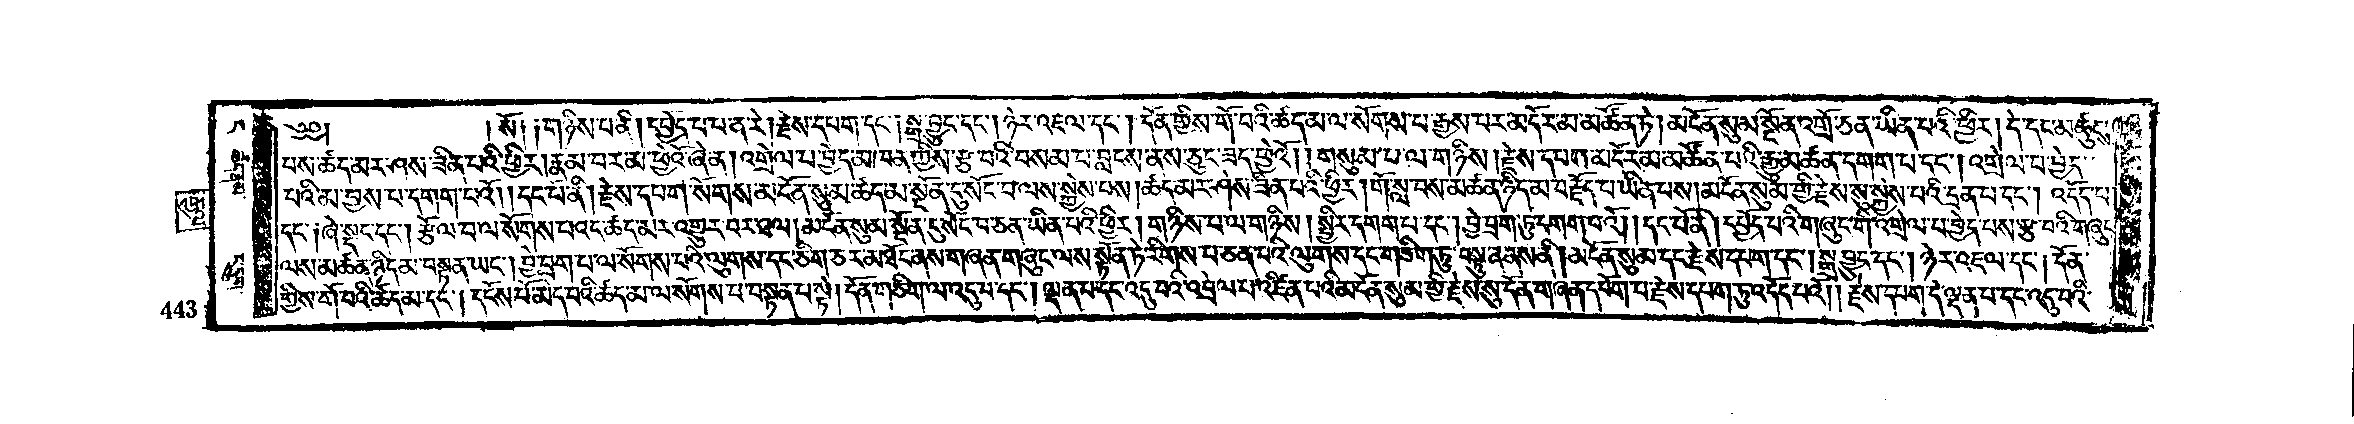༄༅། །སོ༑ གཉིས་པ་ནི། དཔྱོད་པ་པ་ན་རེ། རྗེས་དཔག་དང་། སྒྲ་བྱུང་དང་། ཉེར་འཇལ་དང་། དོན་གྱིས་གོ་བའི་ཚད་མ་ལ་སོགས་པ་རྒྱས་པར་མདོར་མ་མཚོན་ཏེ། མངོན་སུམ་སྔོན་འགྲོ་ཅན་ཡིན་པའི་ཕྱིར། དེ་དང་མཚུངས་
པས་ཚད་མར་ཤེས་ཟིན་པའི་ཕྱིར། རྣམ་པར་མ་ཕྱེའོ་ཞེ་ན། འགྲེལ་པ་བྱེད་མཁན་གྱིས་རྩ་བའི་བསམ་པ་བླངས་ནས་ཅུང་ཟད་ཕྱེའོ། །གསུམ་པ་ལ་གཉིས། རྗེས་དཔག་མདོར་མ་མཚོན་པའི་རྒྱུ་མཚན་དགག་པ་དག། འགྲེལ་བ་བྱེད་
པའི་མ་བྱས་པ་དགག་པའོ། །དང་པོ་ནི། རྗེས་དཔག་སོགས་མངོན་སུམ་ཚད་མ་སྔོན་དུ་སོང་བ་ལས་སྐྱེས་པས། ཚད་མར་ཤེས་ཟིན་པའི་ཕྱིར། གོ་སླ་བས་མཚན་ཉིད་མ་བརྗོད་པ་ཡིན་པས། མངོན་སུམ་གྱི་རྗེས་སུ་སྐྱེས་པའི་དྲན་པ་དག། འདོད་
དང༑ ཞེ་སྡང་དང་། རྩོལ་བ་ལ་སོགས་པའང་ཚད་མར་འགྱུར་བར་ཐལ། མངོན་སུམ་སྔོན་དུ་སོང་བ་ཅན་ཡིན་པའི་ཕྱིར། གཉིས་པ་ལ་གཉིས། སྤྱིར་དགག་པ་དག། བྱེ་བྲག་ཏུ་དགག་པའོ། །དང་པོ་ནི། དཔྱོད་པའི་གཞུང་གི་འགྲེལ་པ་བྱེད་པས་རྩ་བའི་གཞུང་
ལས་མཚན་ཉིད་མ་བསྟན་ཡང་། བྱེ་བྲག་པ་ལ་སོགས་པའི་ལུགས་དང་ཅིག་ཅར་མཐོང་ནས་གཞན་གཞུང་ལས་སྟོན་ཏེ་རིགས་པ་ཅན་པའི་ལུགས་དང་གཅིག་ཏུ་བསྟུན་ནས་ནི། མངོན་སུམ་དང་རྗེས་དཔག་དང་། སྒྲ་བྱུང་དང་། ཉེར་འཇལ་དང་། དོན་
གྱིས་གོ་བའི་ཚོད་མ་དང་། དངོས་པོ་མེད་པའི་ཚད་མ་ལ་སོགས་སོགས་པ་བསྟན་པ་སྟེ། དོན་གཅིག་ལ་འདུ་པ་དང་། ལྡན་པ་དང་འདུ་བའི་འབྲེལ་པ་འཛིན་པའི་མངོན་སུམ་གྱི་རྗེས་སུ་དོན་གཞན་དཔོག་པ་རྗེས་དཔག་ཏུ་འདོད་པའོ། །རྗེས་དཔག་དེ་ལྡན་པ་དང་འདུ་བའི་